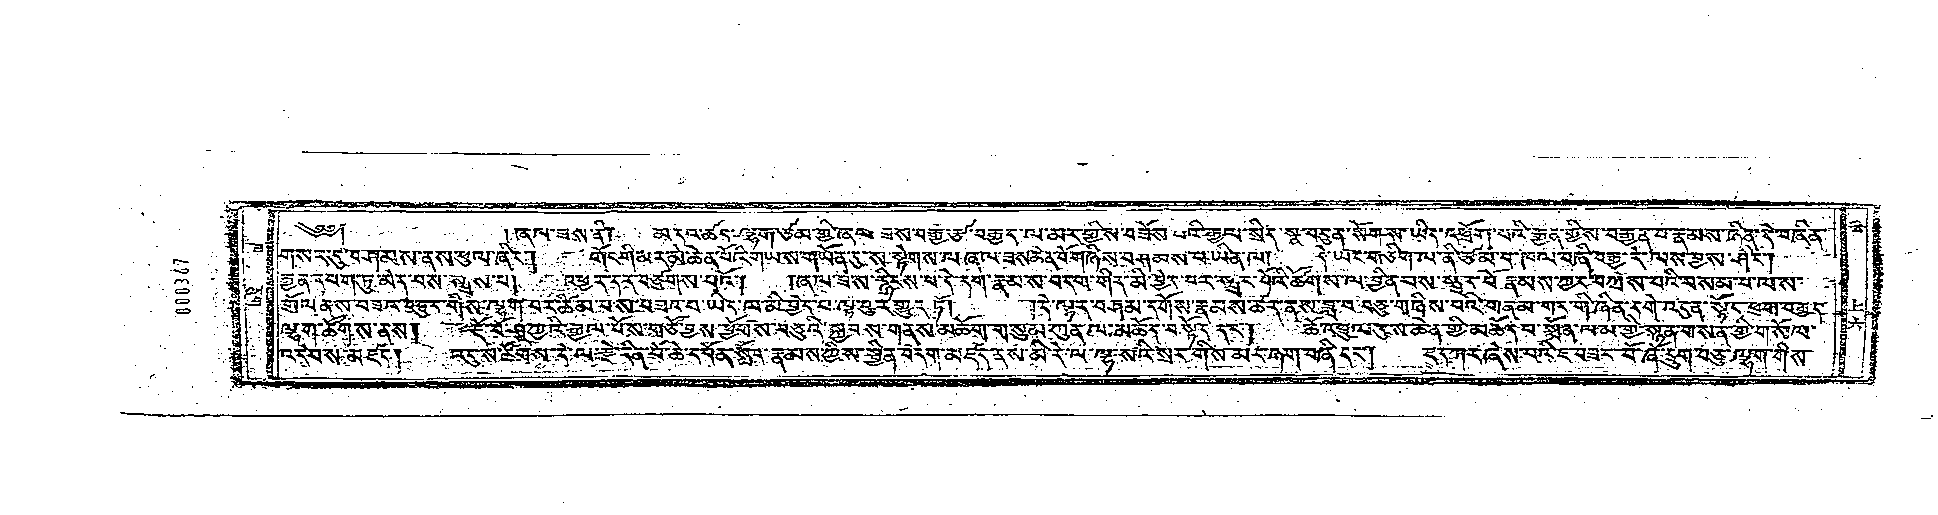༄༅། །ཞལ་ཟས་ནི། མདའ་ཚད་ལྷག་ཙམ་གྱི་ཞལ་ཟས་བརྒྱ་རྩ་བརྒྱད་ལ་མར་གྱིས་བཟོས་པའི་རྒྱལ་སྲིད་སྣ་བདུན་སོགས་ཡིད་འཕྲོག་པའི་རྒྱན་གྱིས་བརྒྱན་པ་རྣམས་ཉིན་རེ་བཞིན་
གསར་དུ་བཤམས་ནས་ཕུལ་ཞིང་། གོང་གི་མར་མེ་ཆེན་པོའི་གཡས་གཡོན་དུ་ས་སྟེགས་ལ་ཞལ་ཟས་ཆེན་པོ་གཉིས་བཤམས་པ་ཡིན་ལ། དེ་ཡང་གཅིག་ལ་ནི་ཙམ་པ་ཁལ་བཞི་བརྒྱ་རེ་ལས་བྱས་ཤིང་།
རྒྱན་དཔག་ཏུ་མེད་པས་སྤྲས་པ། འཕྱར་དར་བཙུགས་པའོ། །ཞལ་ཟས་རྙིངས་པ་དེ་དག་རྣམས་བདག་གིར་མི་བྱེད་བར་སྤྲང་པོའི་ཚོགས་ལ་བྱིན་པས་སྤྲང་པོ་རྣམས་ཀྱང་བཀྲེས་པའི་བསམ་པ་ལས་
གྲོལ་ནས་བཟའ་བཏུང་གིས་ལྷག་བར་ཚིམ་པས་བཟའ་བ་ཡིད་ཁ་མི་བྱེད་པ་ལྟ་བུར་གྱུར་ཏོ། །དེ་ལྟར་བཤམ་དགོས་རྣམས་ཚར་ནས་ཟླ་བ་བཅུ་གཉིས་པའི་གནམ་གང་གི་ཉིན་དགེ་འདུན་སྟོང་ཕྲག་བརྒྱད་
ལྷག་ཚོགས་ནས། ཇོ་བོ་ཤཱཀྱའི་རྒྱལ་པོས་གཙོ་བྱས་ཕྱོགས་བཅུའི་སྐྱབས་གནས་མཆོག་གསུམ་ཀུན་ལ་མཆོད་བསྟོང་དང་། ཆོ་འཕྲུལ་དུས་ཆེན་གྱི་མཆོད་པ་སྨོན་ལམ་གྱི་སྙན་གསན་གྱི་གསོལ་
འདེབས་མཛད། འདུས་ཚོགས་དེ་ལ་རྗེ་རིན་པོ་ཆེ་དབོན་སློབ་རྣམས་ཀྱིས་སྦྱིན་བདག་མཛད་ནས་མི་རེ་ལ་ལྷ་སའི་སྲང་གིས་མར་ཉག་བཞི་དང་། ཇ་དཀར་ཞེས་པའི་ཇ་བཟང་བོ་ཞི་དྲུག་བཅུ་ལྷག་གིས་